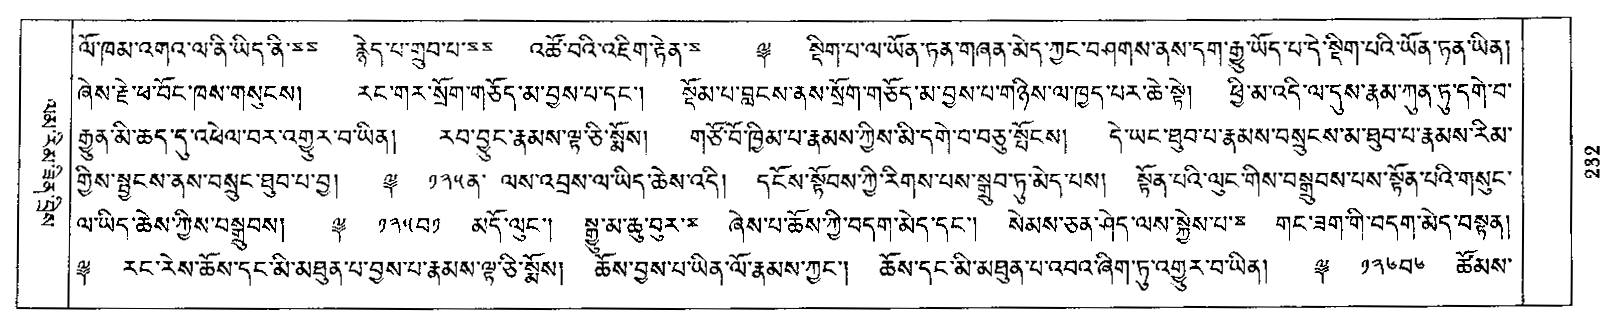ལོ་ཁམ་འགའ་ལ་ནི་ཡིད་ནི་྾྾་རྙེད་པ་གྲུབ་པ་྾྾་འཚོ་བའི་འཇིག་རྟེན་྾་༈ སྡིག་པ་ལ་ཡོན་ཏན་གཞན་མེད་ཀྱང་བཤགས་ནས་དག་རྒྱུ་ཡོད་པ་དེ་སྡིག་པའི་ཡོན་ཏན་ཡིན།
ཞེས་རྗེ་ཕ་བོང་ཁས་གསུངས། རང་གར་སྲོག་གཅོད་མ་བྱས་པ་དང་། སྡོམ་པ་བླངས་ནས་སྲོག་གཅོད་མ་བྱས་པ་གཉིས་ལ་ཁྱད་པར་ཆེ་སྟེ། ཕྱི་མ་འདི་ལ་དུས་རྣམ་ཀུན་ཏུ་དགེ་བ་
རྒྱུན་མི་ཆད་དུ་འཕེལ་བར་འགྱུར་བ་ཡིན། རབ་བྱུང་རྣམས་ལྟ་ཅི་སྨོས། གཙོ་བོ་ཁྱིམ་པ་རྣམས་ཀྱིས་མི་དགེ་བ་བཅུ་སྤོངས། དེ་ཡང་ཐུབ་པ་རྣམས་བསྲུངས་མ་ཐུབ་པ་རྣམས་རིམ་
གྱིས་སྦྱངས་ནས་བསྲུང་ཐུབ་པ་བྱ། ༈ ༡༢༥་ན་ལས་འབྲས་ལ་ཡིད་ཆེས་འདི། དངོས་སྟོབས་ཀྱི་རིགས་པས་སྒྲུབ་ཏུ་མེད་པས། སྟོན་པའི་ལུང་གིས་བསྒྲུབས་པས་སྟོན་པའི་གསུང་
ལ་ཡིད་ཆེས་ཀྱིས་བསྒྲུབས། ༈ ༡༢༥་བ ༡་མདོ་ལུང་། སྒྱུ་མ་ཆུ་བུར་྾་ཞེས་པ་ཆོས་ཀྱི་བདག་མེད་དང་། སེམས་ཅན་ཤེད་ལས་སྐྱེས་པ་྾་གང་ཟག་གི་བདག་མེད་བསྟན།
༈ རང་རེས་ཆོས་དང་མི་མཐུན་པ་བྱས་པ་རྣམས་ལྟ་ཅི་སྨོས། ཆོས་བྱས་པ་ཡིན་ལོ་རྣམས་ཀྱང་། ཆོས་དང་མི་མཐུན་པ་འབའ་ཞིག་ཏུ་འགྱུར་བ་ཡིན། ༈ ༡༢༦་བ ༦་ཚོམས་